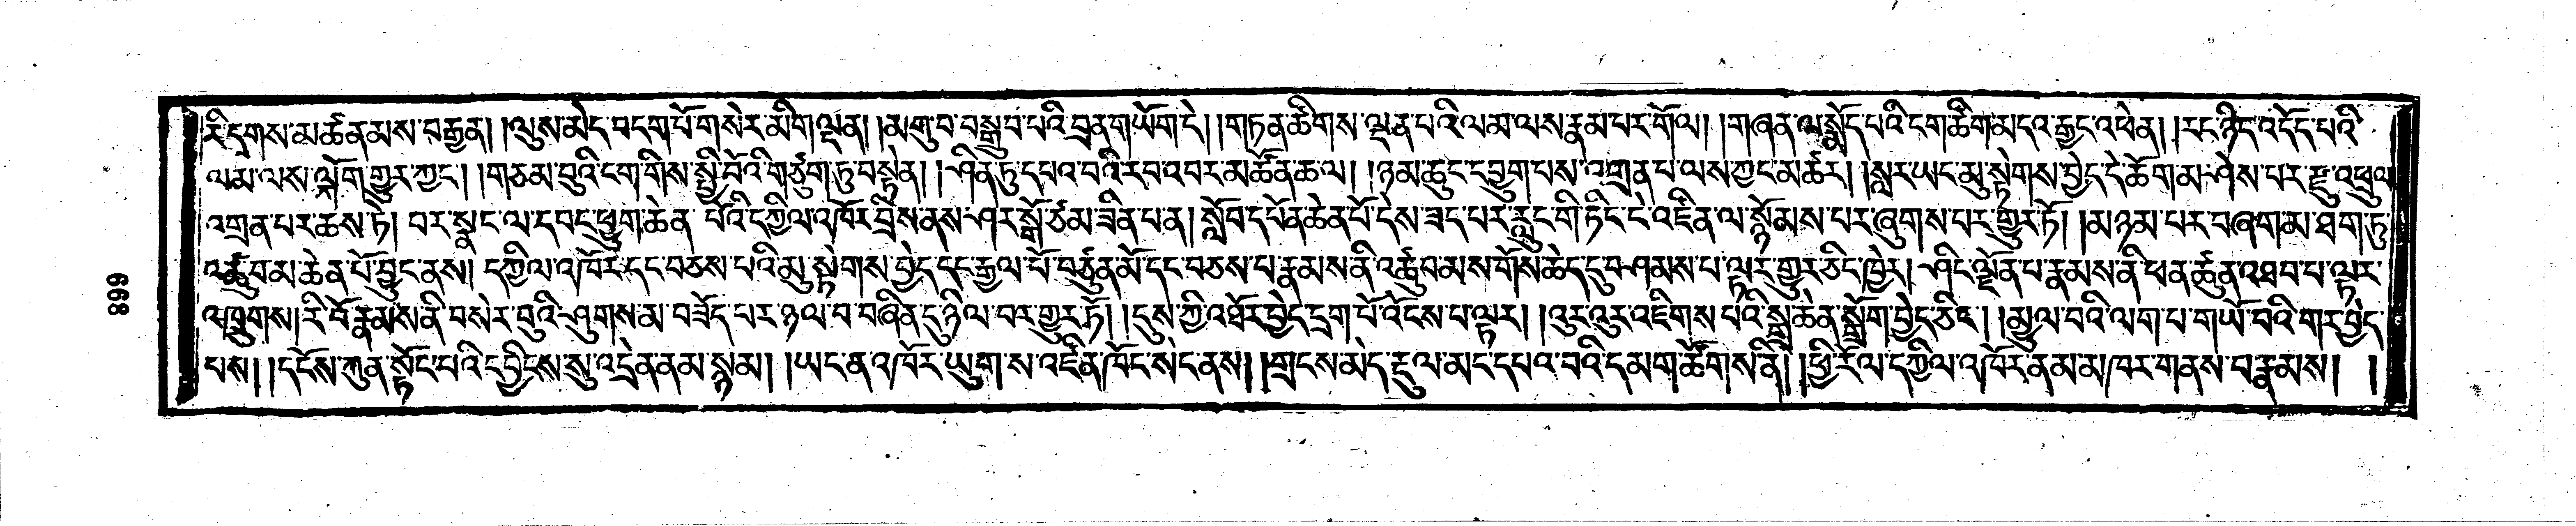རི་དྭགས་མཚན་མས་བརྒྱན། །ལུས་མེད་བདག་པོ་གསེར་མིག་ལྡན། །མགུ་བ་བསྒྲུབ་པའི་བྲན་གཡོག་དེ། །གཏན་ཚིགས་ལྡན་པའི་ལམ་ལས་རྣམ་པར་གོལ། །གཞན་ལ་སྨོད་པའི་ངག་ཚིག་མདའ་རྒྱང་འཕེན། །རང་ཉིད་འདོད་པའི་
ལམ་ལས་ལྐོག་གྱུར་ཀྱང་། །གཅམ་བུའི་ངག་གིས་སྤྱི་བོའི་གཙུག་ཏུ་བསྟེན། །ཤིན་ཏུ་དཔའ་བའི་རབ་འབར་མཚོན་ཆ་ལ། །ཉམ་ཆུང་དབྱུག་པས་འགྲན་པ་ལས་ཀྱང་མཚར། །སླར་ཡང་མུ་སྟེགས་བྱེད་དེ་ཆོག་མ་ཤེས་པར་རྫུ་འཕྲུལ་
འགྲན་པར་ཆས་ཏེ། བར་སྣང་ལ་དབང་ཕྱུག་ཆེན་པོའི་དཀྱིལ་འཁོར་བྲིས་ནས་ཤར་སྒོ་ཙམ་ཟིན་པ་ན། སློབ་དཔོན་ཆེན་པོ་དེས་ཟད་པར་རླུང་གི་ཏིང་ངེ་འཛིན་ལ་སྙོམས་པར་ཞུགས་པར་གྱུར་ཏོ། །མཉམ་པར་བཞག་མ་ཐག་ཏུ་
འཚུབ་མ་ཆེན་པོ་བྱུང་ནས། དཀྱིལ་འཁོར་དང་བཅས་པའི་མུ་སྟེགས་བྱེད་དང་རྒྱལ་པོ་བཙུན་མོ་དང་བཅས་པ་རྣམས་ནི་འཚུབ་མས་གོས་ཆེད་དུ་བཤམས་པ་ལྟར་གྱུར་ཅིང་ཁྱེར། ཤིང་ལྗོན་པ་རྣམས་ནི་ཕན་ཚུན་འཐབ་པ་ལྟར་
འཁྲུགས། རི་བོ་རྣམས་ནི་བསེར་བུའི་ཤུགས་མ་བཟོད་པར་ཉལ་བ་བཞིན་དུ་ཉལ་བར་གྱུར་ཏོ། །དུས་ཀྱི་འཐོར་བྱེད་དྲག་པོ་འོངས་པ་ལྟར། །འུར་འུར་འཇིགས་པའི་སྒྲ་ཆེན་སྒྲོག་བྱེད་ཅིང་། །མྱུལ་བའི་ལག་པ་གཡོ་བའི་གར་བྱེད་
པས། །དངོས་ཀུན་སྟོང་པའི་དབྱིངས་སུ་འདྲེན་ནམ་སྙམ། །ཡང་ན་འཁོར་ཡུག་ས་འཛིན་ཁོང་སེང་ནས། །གྲངས་མེད་རྡུལ་མང་དཔའ་བའི་དམག་ཚོགས་ནི། །ཕྱི་རོལ་དཀྱིལ་འཁོར་ནམ་མཁར་གནས་པ་རྣམས། །